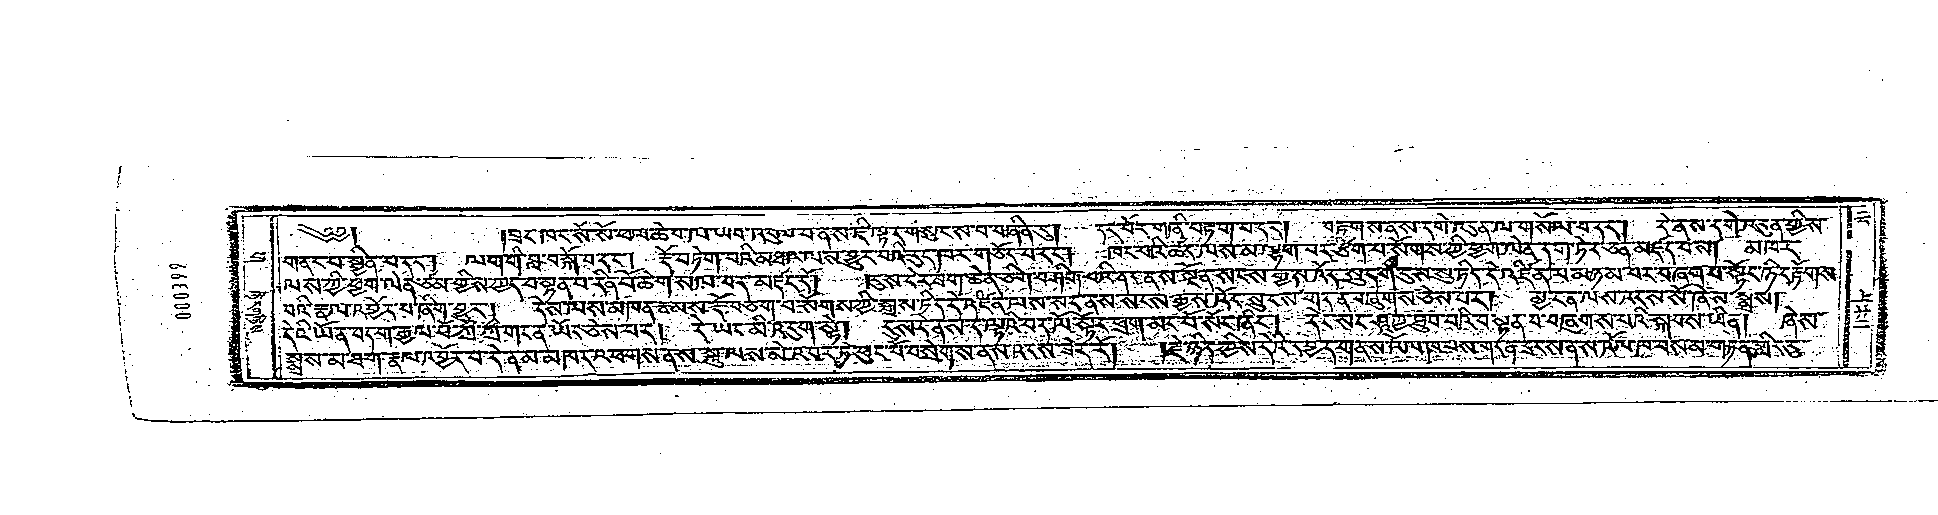༄༅། །བྲང་ཁང་སོ་སོ་ཕལ་ཆེ་བ་ལ་ཡབ་འབུལ་བ་ནས་ཇི་ལྟར་གསུངས་པ་བཞིན་དུ། དང་པོར་གཞི་བརྟག་བ་དང་། བརྟགས་ནས་དགེ་འདུན་ལ་གསོལ་བ་དང་། དེ་ནས་དགེ་འདུན་གྱིས་
གནང་པ་སྦྱིན་པ་དང་། ལག་གི་བླ་བསྐོ་བ་དང་། རྡོ་བཏེག་པའི་མཐའ་ལས་བྱུང་བའི་རུང་ཁང་གཅོད་བ་དང་། ཁང་པའི་ཚད་ལས་མ་ལྷག་བར་རྩིག་པ་སོགས་ཀྱི་ཕྱག་ལེན་དག་ཏེར་ཅན་མཛད་པས། མཁར་
ལས་ཀྱི་ཕྱག་ལེན་ཙམ་གྱིས་ཀྱང་བསྟན་པ་རིན་པོ་ཆེ་གསལ་བར་མཛད་དོ། །དུས་དེར་བྲེག་ཆེན་ཅིག་བཤིག་བའི་ནང་ནས་སྔོན་སངས་རྒྱས་འོད་སྲུང་གི་དུས་སུ་ཏིང་ངེ་འཛིན་ལ་མཉམ་པར་བཞག་པ་སྟོང་ཉིད་རྟོགས་
བའི་རྣལ་འབྱོར་པ་ཞིག་བྱུང་། དེས་ལས་མཁན་རྣམས་རྡོ་བཅག་པ་སོགས་ཀྱི་སྒྲས་ཏིང་ངེ་འཛིན་ལས་སང་ནས་སངས་རྒྱས་འོད་སྲུངས་གདན་བཞུགས་ཅེས་པར། མྱ་ངན་ལས་འདས་སོ་ཞེས་སྨྲས།
དེའི་ཡོན་བདག་རྒྱལ་པོ་ཀྲྀ་ཀྲྀ་གང་ན་ཡོད་ཅེས་པར། དེ་ཡང་མི་འདུག་སྟེ། དུས་དེ་ནས་ད་ལྟའི་བར་ལོ་སྟོང་ཕྲག་མང་པོ་སོང་ཞིང་། དེང་སང་ཤཱཀྱ་ཐུབ་བའི་བསྟན་པ་བཞག་པའི་སྐབས་ཡིན། ཞེས་
སྨྲས་མ་ཐག་རྣལ་འབྱོར་པ་དེ་ནམ་མཁར་འཕགས་ནས་སྐུ་ལས་མེ་འབར་ཏེ་ཕུང་པོ་བསྲེགས་ནས་འདས་ཟེར་རོ། །རྗེ་ཉིད་ཀྱིས་དེའི་དབྱར་གནས་འོལ་ཁ་པས་གདན་དྲངས་ནས་འོལ་ཁ་བསམ་གཏན་གླིང་དུ་